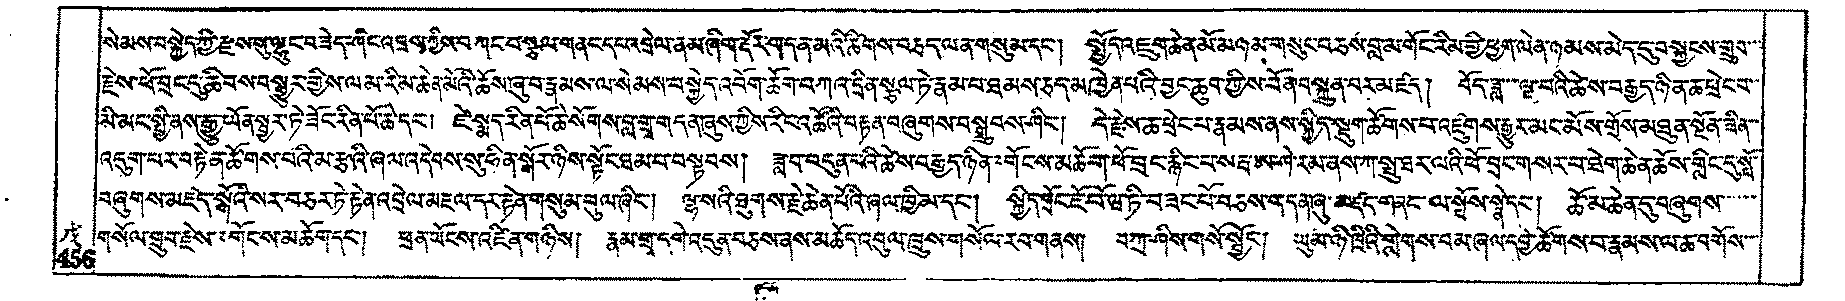སེམས་བསྐྱེད་ཀྱི་རྫས་སུ་ལྷུང་བཟེད་ཤིང་འབྲས་ཀྱིས་བཀང་བ་སྩལ་གནང་དང་འབྲེལ་ནམ་ཞིག་རྡོར་གདན་མའི་ཚིགས་བཅད་ལན་གསུམ་དང་། སྤྱོད་འཇུག་ཆེན་མོ་མཉམ་གསུང་བཅས་བླ་མ་གོང་རིམ་གྱི་ཕྱག་ལེན་ཉམས་མེད་དུ་བསྐྱངས་གྲུབ་
རྗེས་ཕོ་བྲང་དུ་ཆིབས་བསྒྱུར་གྱིས་ལམ་རིམ་ཆེན་མོའི་ཆོས་ཞུ་བ་རྣམས་ལ་སེམས་བསྐྱེད་འབོག་ཆོག་བཀའ་དྲིན་སྩལ་ཏེ་རྣམ་པ་ཐམས་ཅད་མཁྱེན་པའི་བྱང་ཆུབ་ཀྱི་ས་བོན་བསྐྲུན་པར་མཛད། བོད་ཟླ་ལྔ་པའི་ཚེས་བརྒྱད་ཉིན་ཆ་ཕྲེང་བ་
མི་མང་སྤྱི་ནས་རྒྱུ་ཡོན་སྦྱར་ཏེ་ཟོང་རིན་པོ་ཆེ་དང་། ཛེ་སྨད་རིན་པོ་ཆེ་སོགས་བླ་གྲྭ་གདན་ཞུས་ཀྱིས་རིང་འཚོའི་བརྟན་བཞུགས་བསྒྲུབས་ཤིང་། དེ་རྗེས་ཆ་ཕྲེང་པ་རྣམས་ནས་སྐྱིད་སྡུག་ཚོགས་པ་འཛུགས་རྒྱུར་མང་མོས་གྲོས་མཐུན་སྔོན་ཟིན་
འདུག་པར་བརྟེན་ཚོགས་པའི་མ་རྩའི་ཞལ་འདེབས་སུ་ཧིན་སྒོར་ཉིས་སྟོང་ཐམ་པ་བསྟབས། ཟླ་བ་བདུན་པའི་ཚེས་བརྒྱད་ཉིན་༧གོང་ས་མཆོག་ཕོ་བྲང་རྙིང་པ་སརྦ་ཨ་ཤེ་རམ་ནས་ཀ་སྤུ་ཐར་ལའི་ཕོ་བྲང་གསར་པ་ཐེག་ཆེན་ཆོས་གླིང་དུ་སྤོ་
བཞུགས་མཛད་སྒོའི་སར་བཅར་ཏེ་རྟེན་འབྲེལ་མཇལ་དར་རྟེན་གསུམ་ཕུལ་ཞིང་། ལྷ་སའི་ཐུགས་རྗེ་ཆེན་པོའི་ཞལ་ཁྱིམ་དང་། སྐྱིད་གྲོང་ཇོ་བོ་ཝ་ཏི་བཟང་པོ་བཅས་གདན་ཞུ་མཛད་གནང་ལ་སྤོས་སྣེ་དང་། ཚོམ་ཆེན་དུ་བཞུགས་
གསོལ་གྲུབ་རྗེས་༧གོང་ས་མཆོག་དང་། ཕྲན་ཡོངས་འཛིན་གཉིས། རྣམ་གྲྭ་དགེ་འདུན་བཅས་ནས་མཆོད་འབུལ་ཁྲུས་གསོལ་རབ་གནས། བཀྲ་ཤིས་གསོ་སྦྱོང་། ཡུམ་ཉི་ཁྲིའི་གླེགས་བམ་ཞལ་དབྱེ་ཚོགས་པ་རྣམས་ལ་ཆ་བགོས་